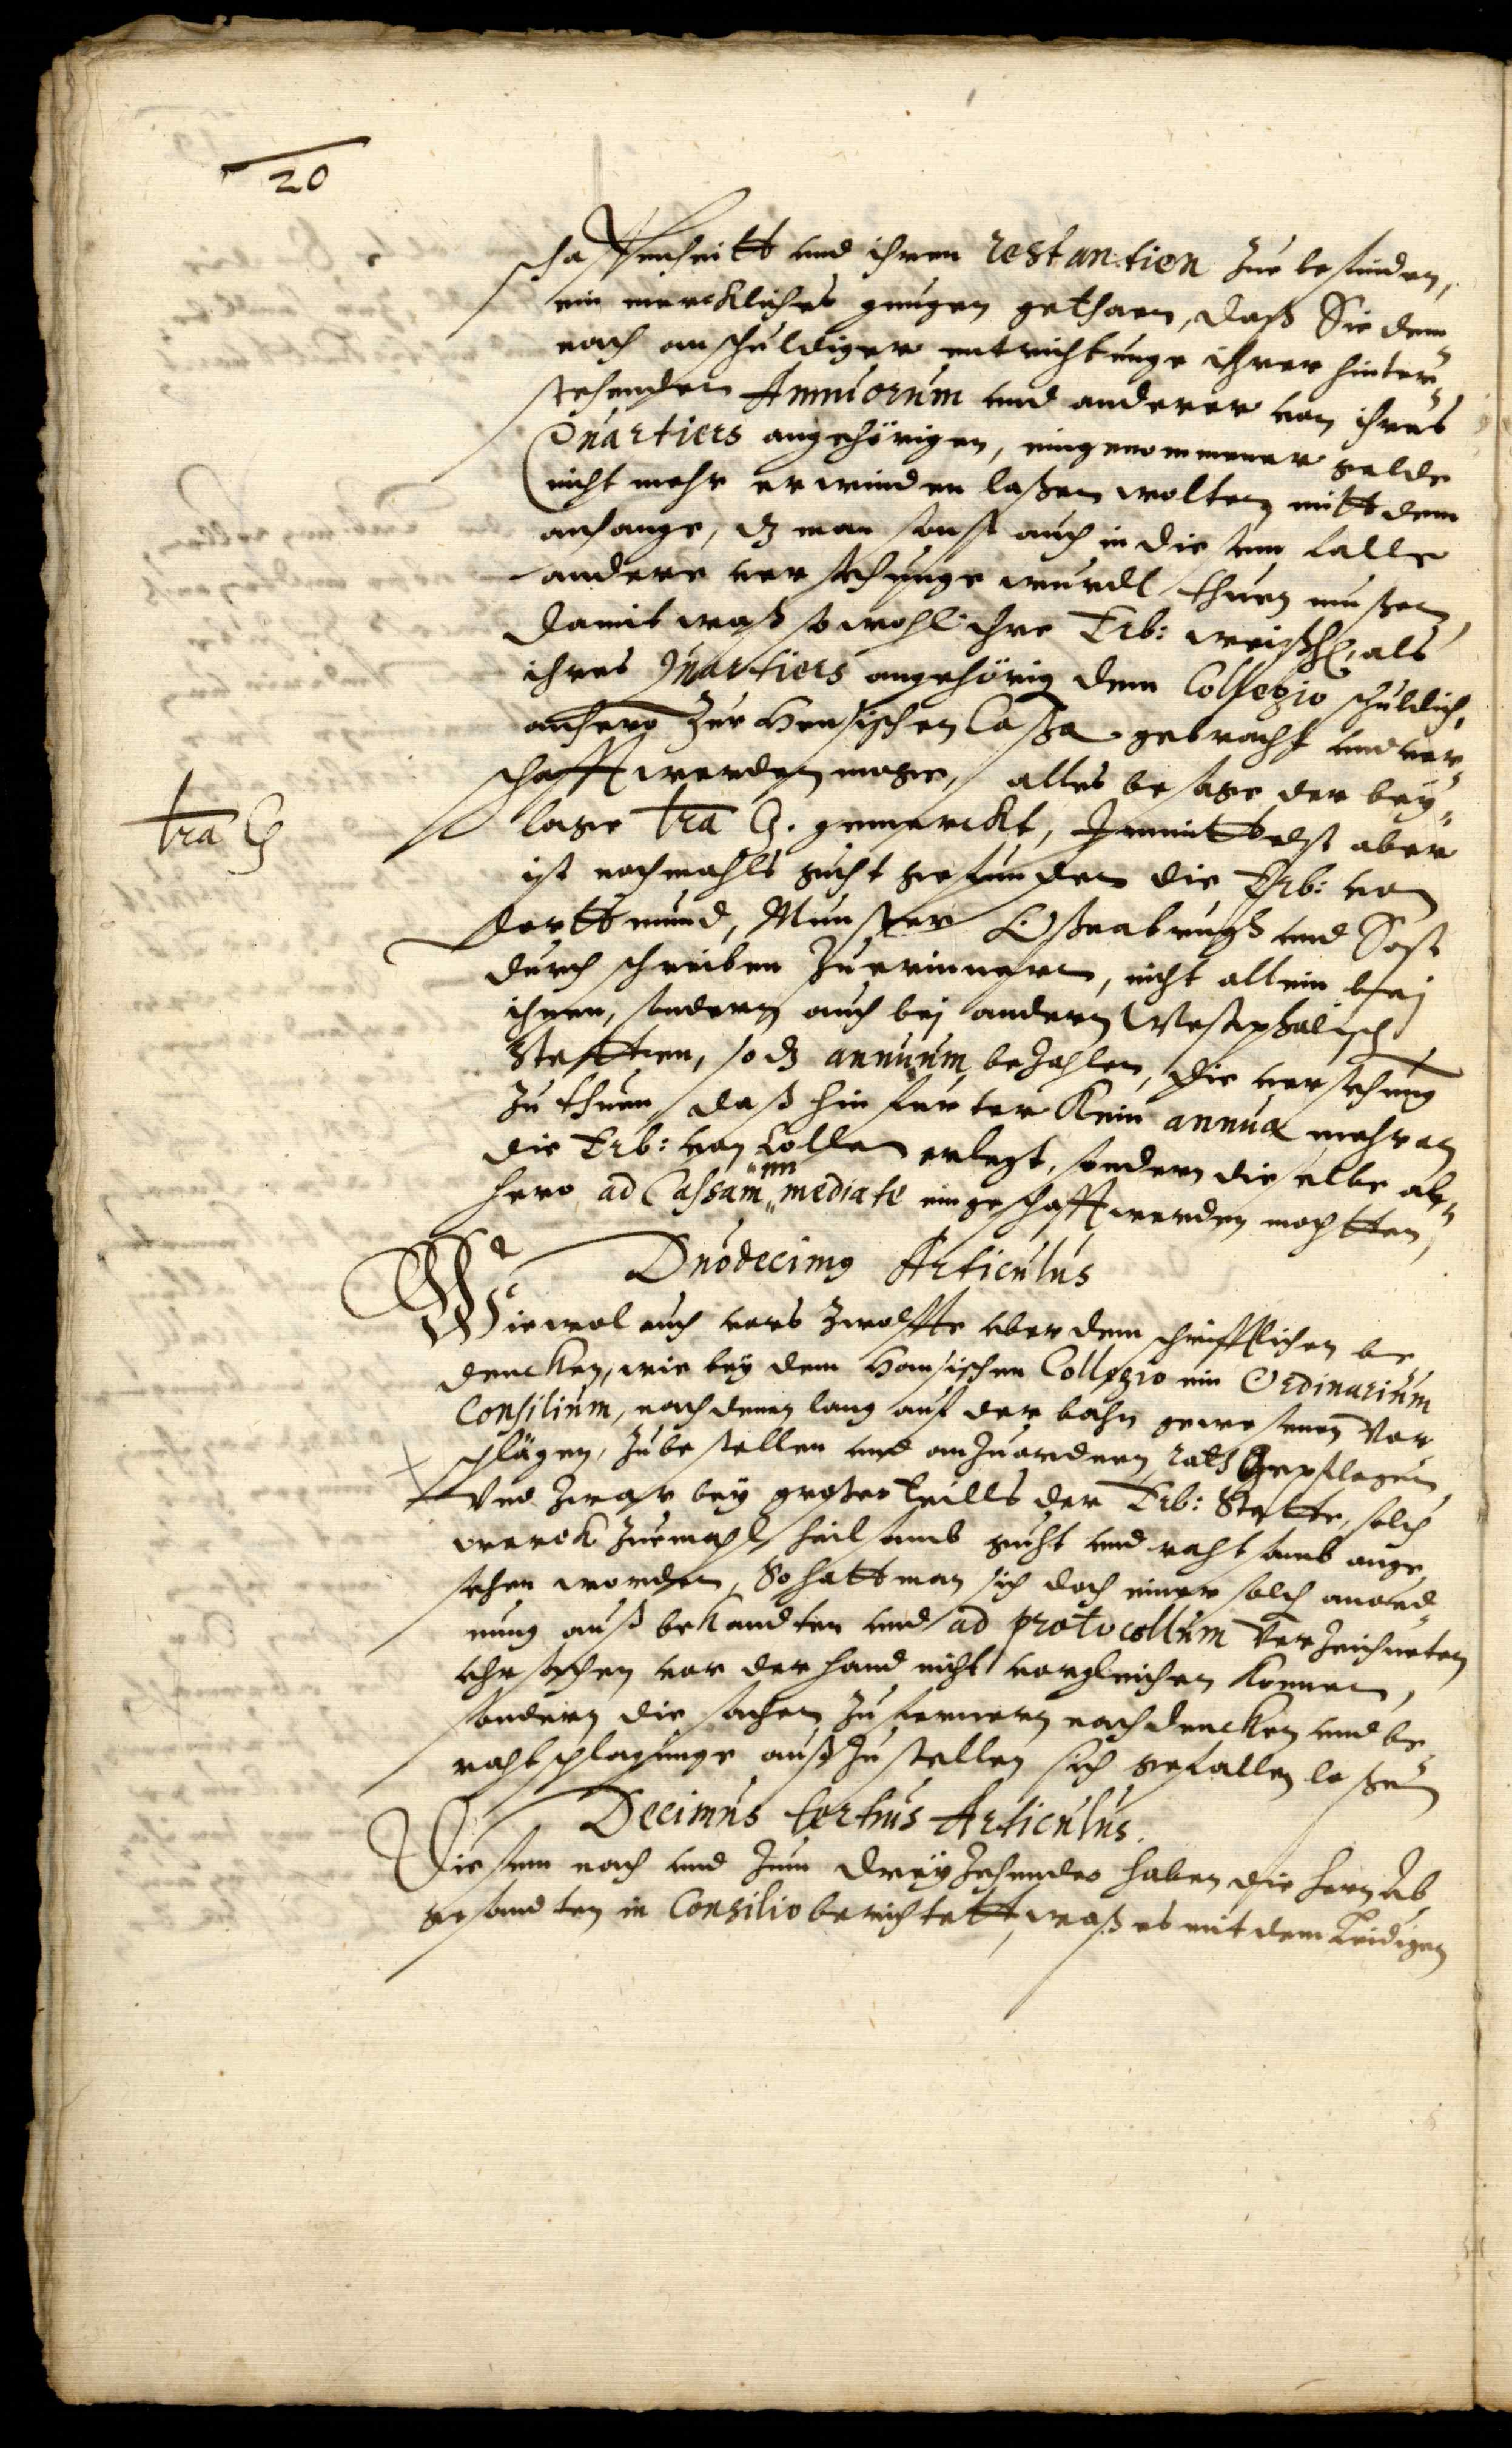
20
tra G
schaffenheitt vnd ihren restantien Zue befinden,
ein merckliches gnugen gethaen, daß Sie dem¬
nach an schuldiger entrichtunge ihrer hinter¬
stehenden Annuorum vnd anderer von ihres
Quartiers angehörigen, eingenommener gelde
nicht mehr erwinden laßen wolten, mitt dem
anfange, dz man sonst auch in diesem falle
andere versehunge wuerdt thuen mußen,
damit waß sowohl ihre Erb: weißhh, als
ihres Quartiers angehörigen dem Collegio schuldig
anhero Zur Hansischen Caßa gebracht vnd ver¬
schafft werden moge, alles besage der beij¬
lage tra G. gemerckt, Inmittelß aber
ist nochmahls guht gefunden die Erb: von
dorttmund, Munster, Oßnabrugk vnd Sost
durch schreiben Zuerinnern, nicht allein bej
ihnen, sondern auch bej anderen Westphalischen
Stetten, so dz annuum beZahlen die versehung
zu thuen, daß hinfurter kein annua mehr an
die Erb: von Collen erlegt, sondern dieselbe ab¬
* im
hero ad Cassam * mediate eingeschafft werden mochtten,
Duodecimo Articulus
Wiewol auch vors Zwolffte vber dem schriftlichen be¬
dencken, wie beij dem Hansischen Collegio ein Ordinarium
Consilium, nach denen lang aus der bahn gewesenen Vor¬
schlägen, Zubestellen vnd anZuordern, rath Gepflogen,
Vnd Zwar beij großen teills der Erb: Stette, solch
werck Zuemahl heilsamb guht vnd rahtsamb ange¬
sehen worden, So hatt man sich doch einer solchen anord¬
nung auß bekandten vnd ad protocollum verZeichneten
vrsachen vor der hand nicht vorgleichen konnen,
sondern die sachen Zu fernern nachdencken vnd be¬
rathschlagunge außZustellen sich gefallen laßen
Decimus tertius Articulus.
Diesem nach vnd zum dreijZehenden haben die hern Ab¬
gesandten in Consilio berichtett waß es mit dem Leidigen
